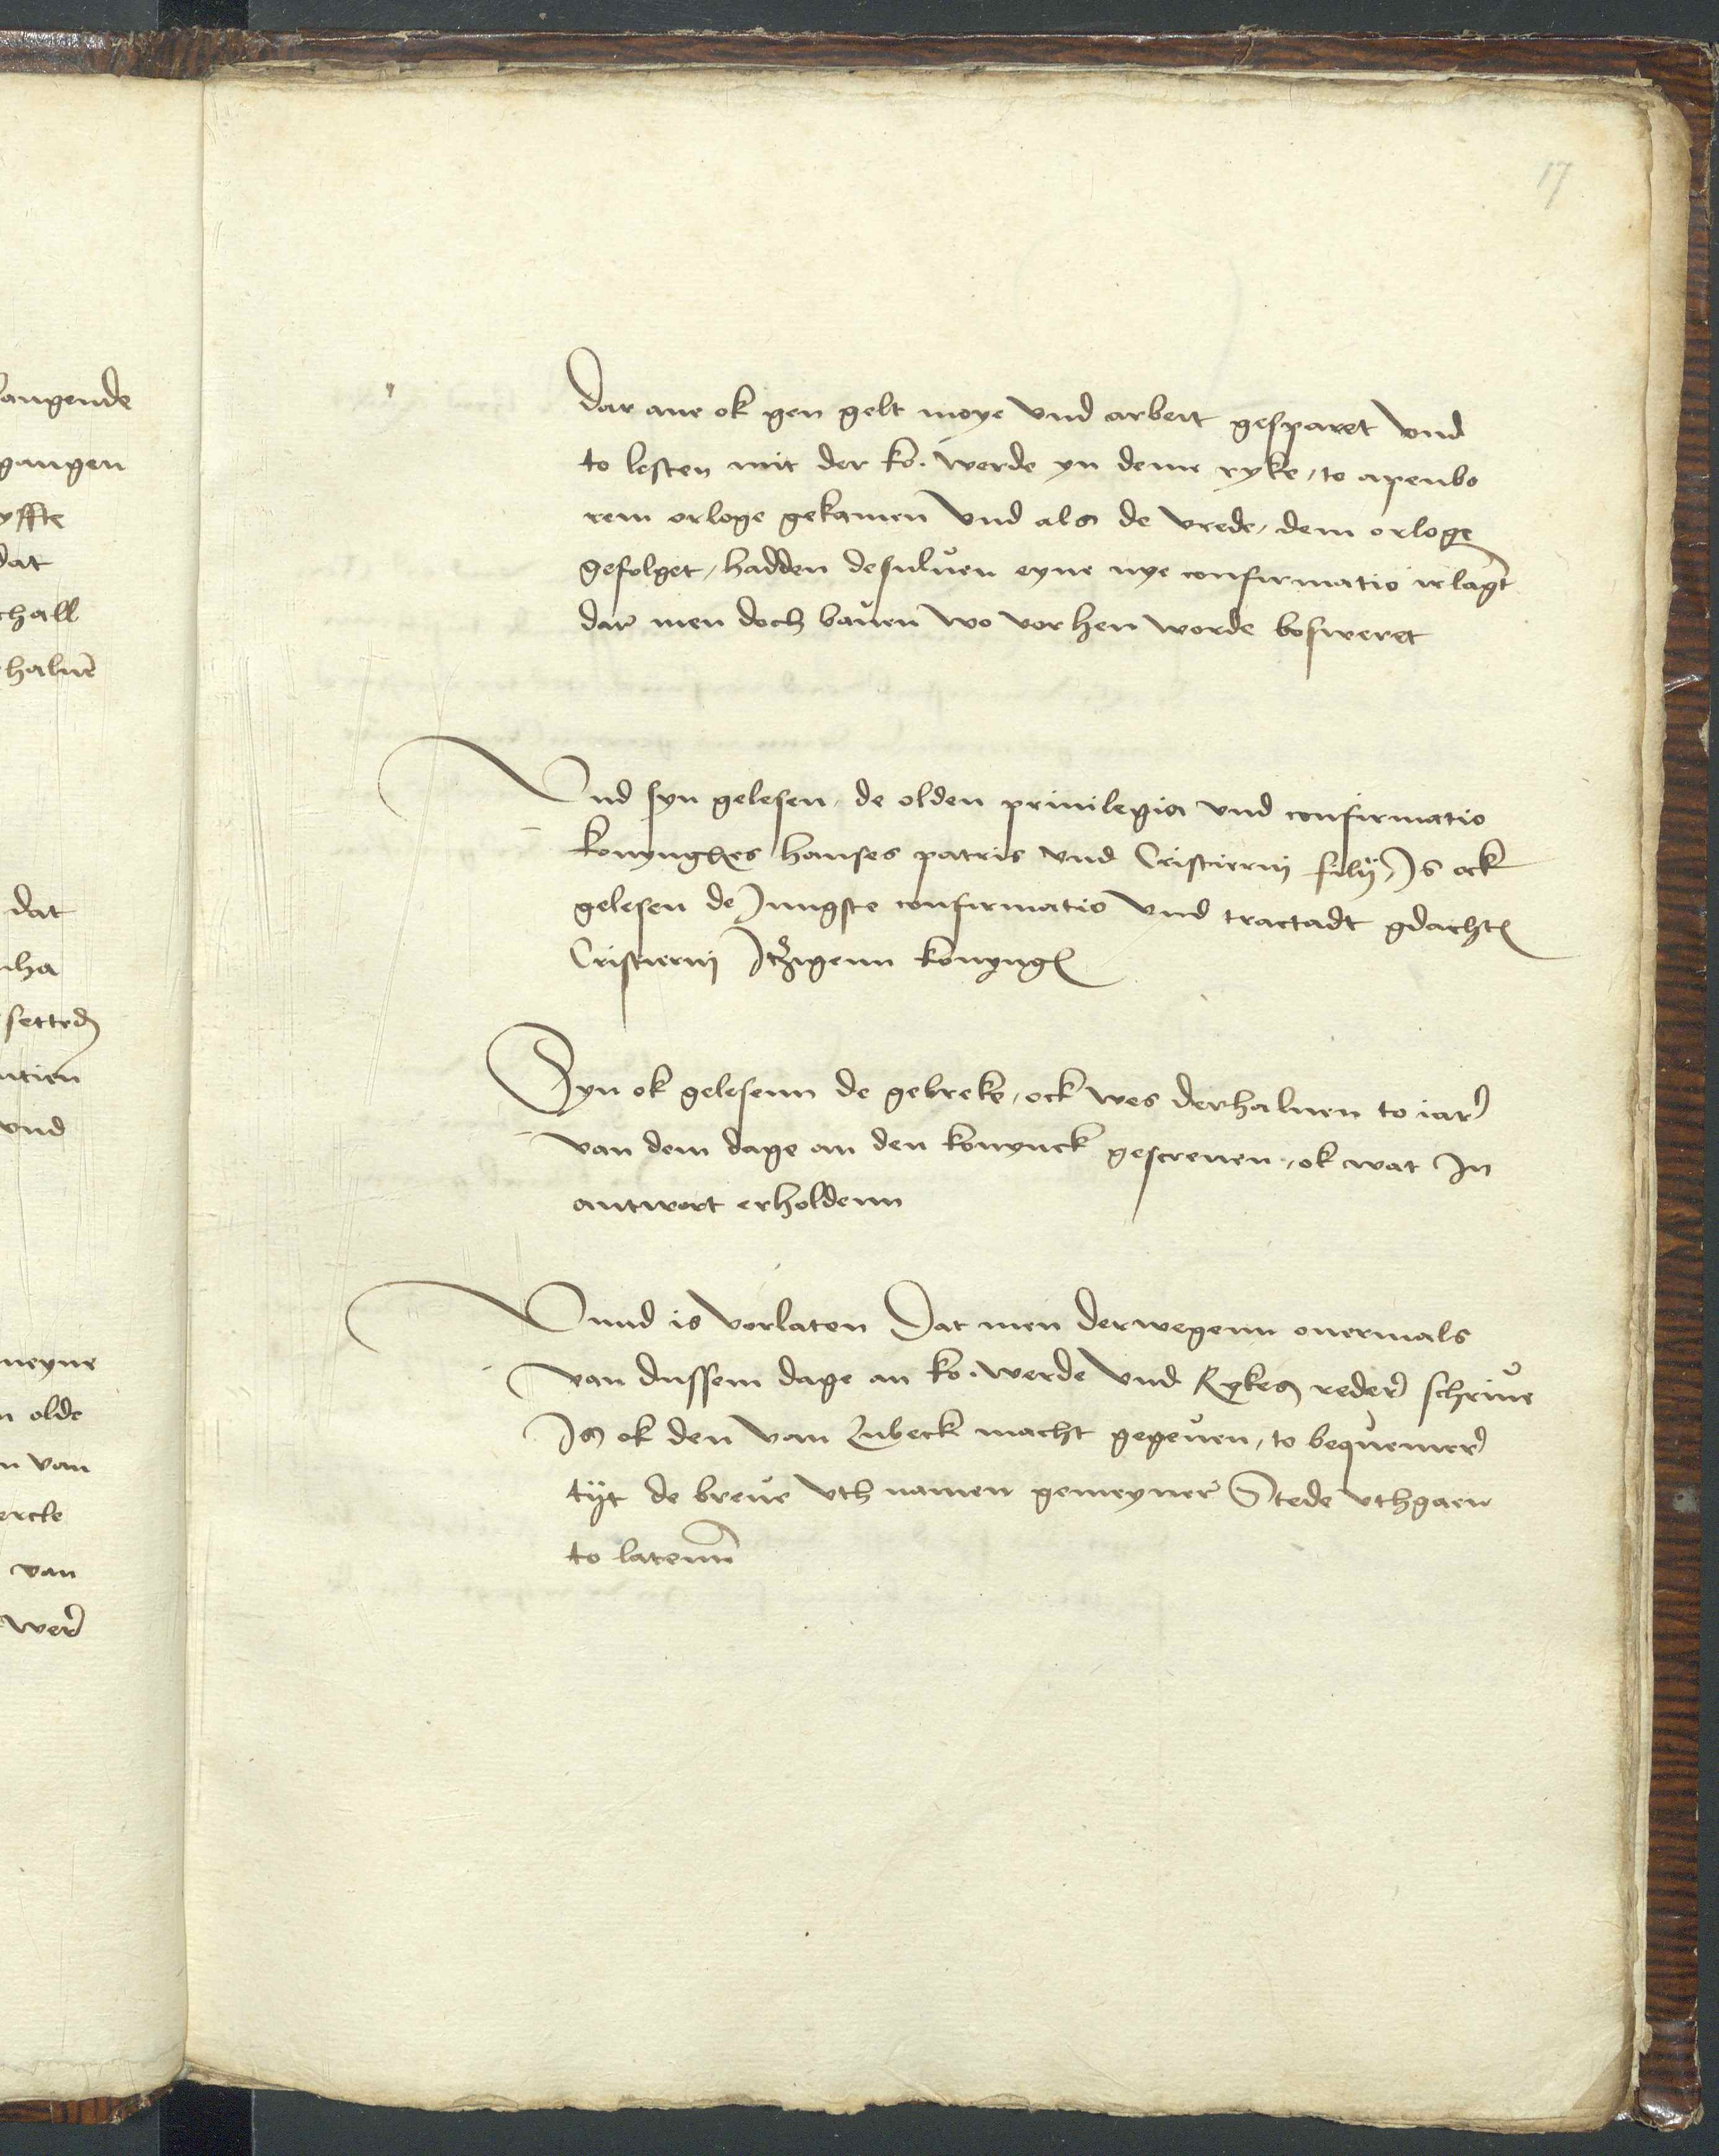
Dar one ok gen gelt moye vnd arbeit gesparet vnd
to lesten mit der ko. werde yn deme ryke, to apenbo¬
rem orloge gekamen vnd als de vrede, dem orloge
gefolget, hadden desuluen eyne nye confirmatio irlagt
dar men doch bauen wo vorhen worde besweret
Vnd syn gelesen de olden priuilegia vnd confirmatio
konynghes Hanses patris vnd Cristiernj filij, Js ock
gelesen de Jungste confirmatio vnd tractadt gdachten
Cristiernj Itzigenn konynges
Syn ok gelesenn de gebreke, ock was derhaluen to iar
van dem dage an den konynck gescreuen, ok wat Jn
antwort erholdenn
Vnd is vorlaten Dat men derwegenn ouermals
van dessem dage an ko. werde vnd Rykes redere schriue
Js ok den van Lubeck macht gegeuen, to bequemer
tijt de breue vth namen gemeyner Stede vthgaen
to latenn
